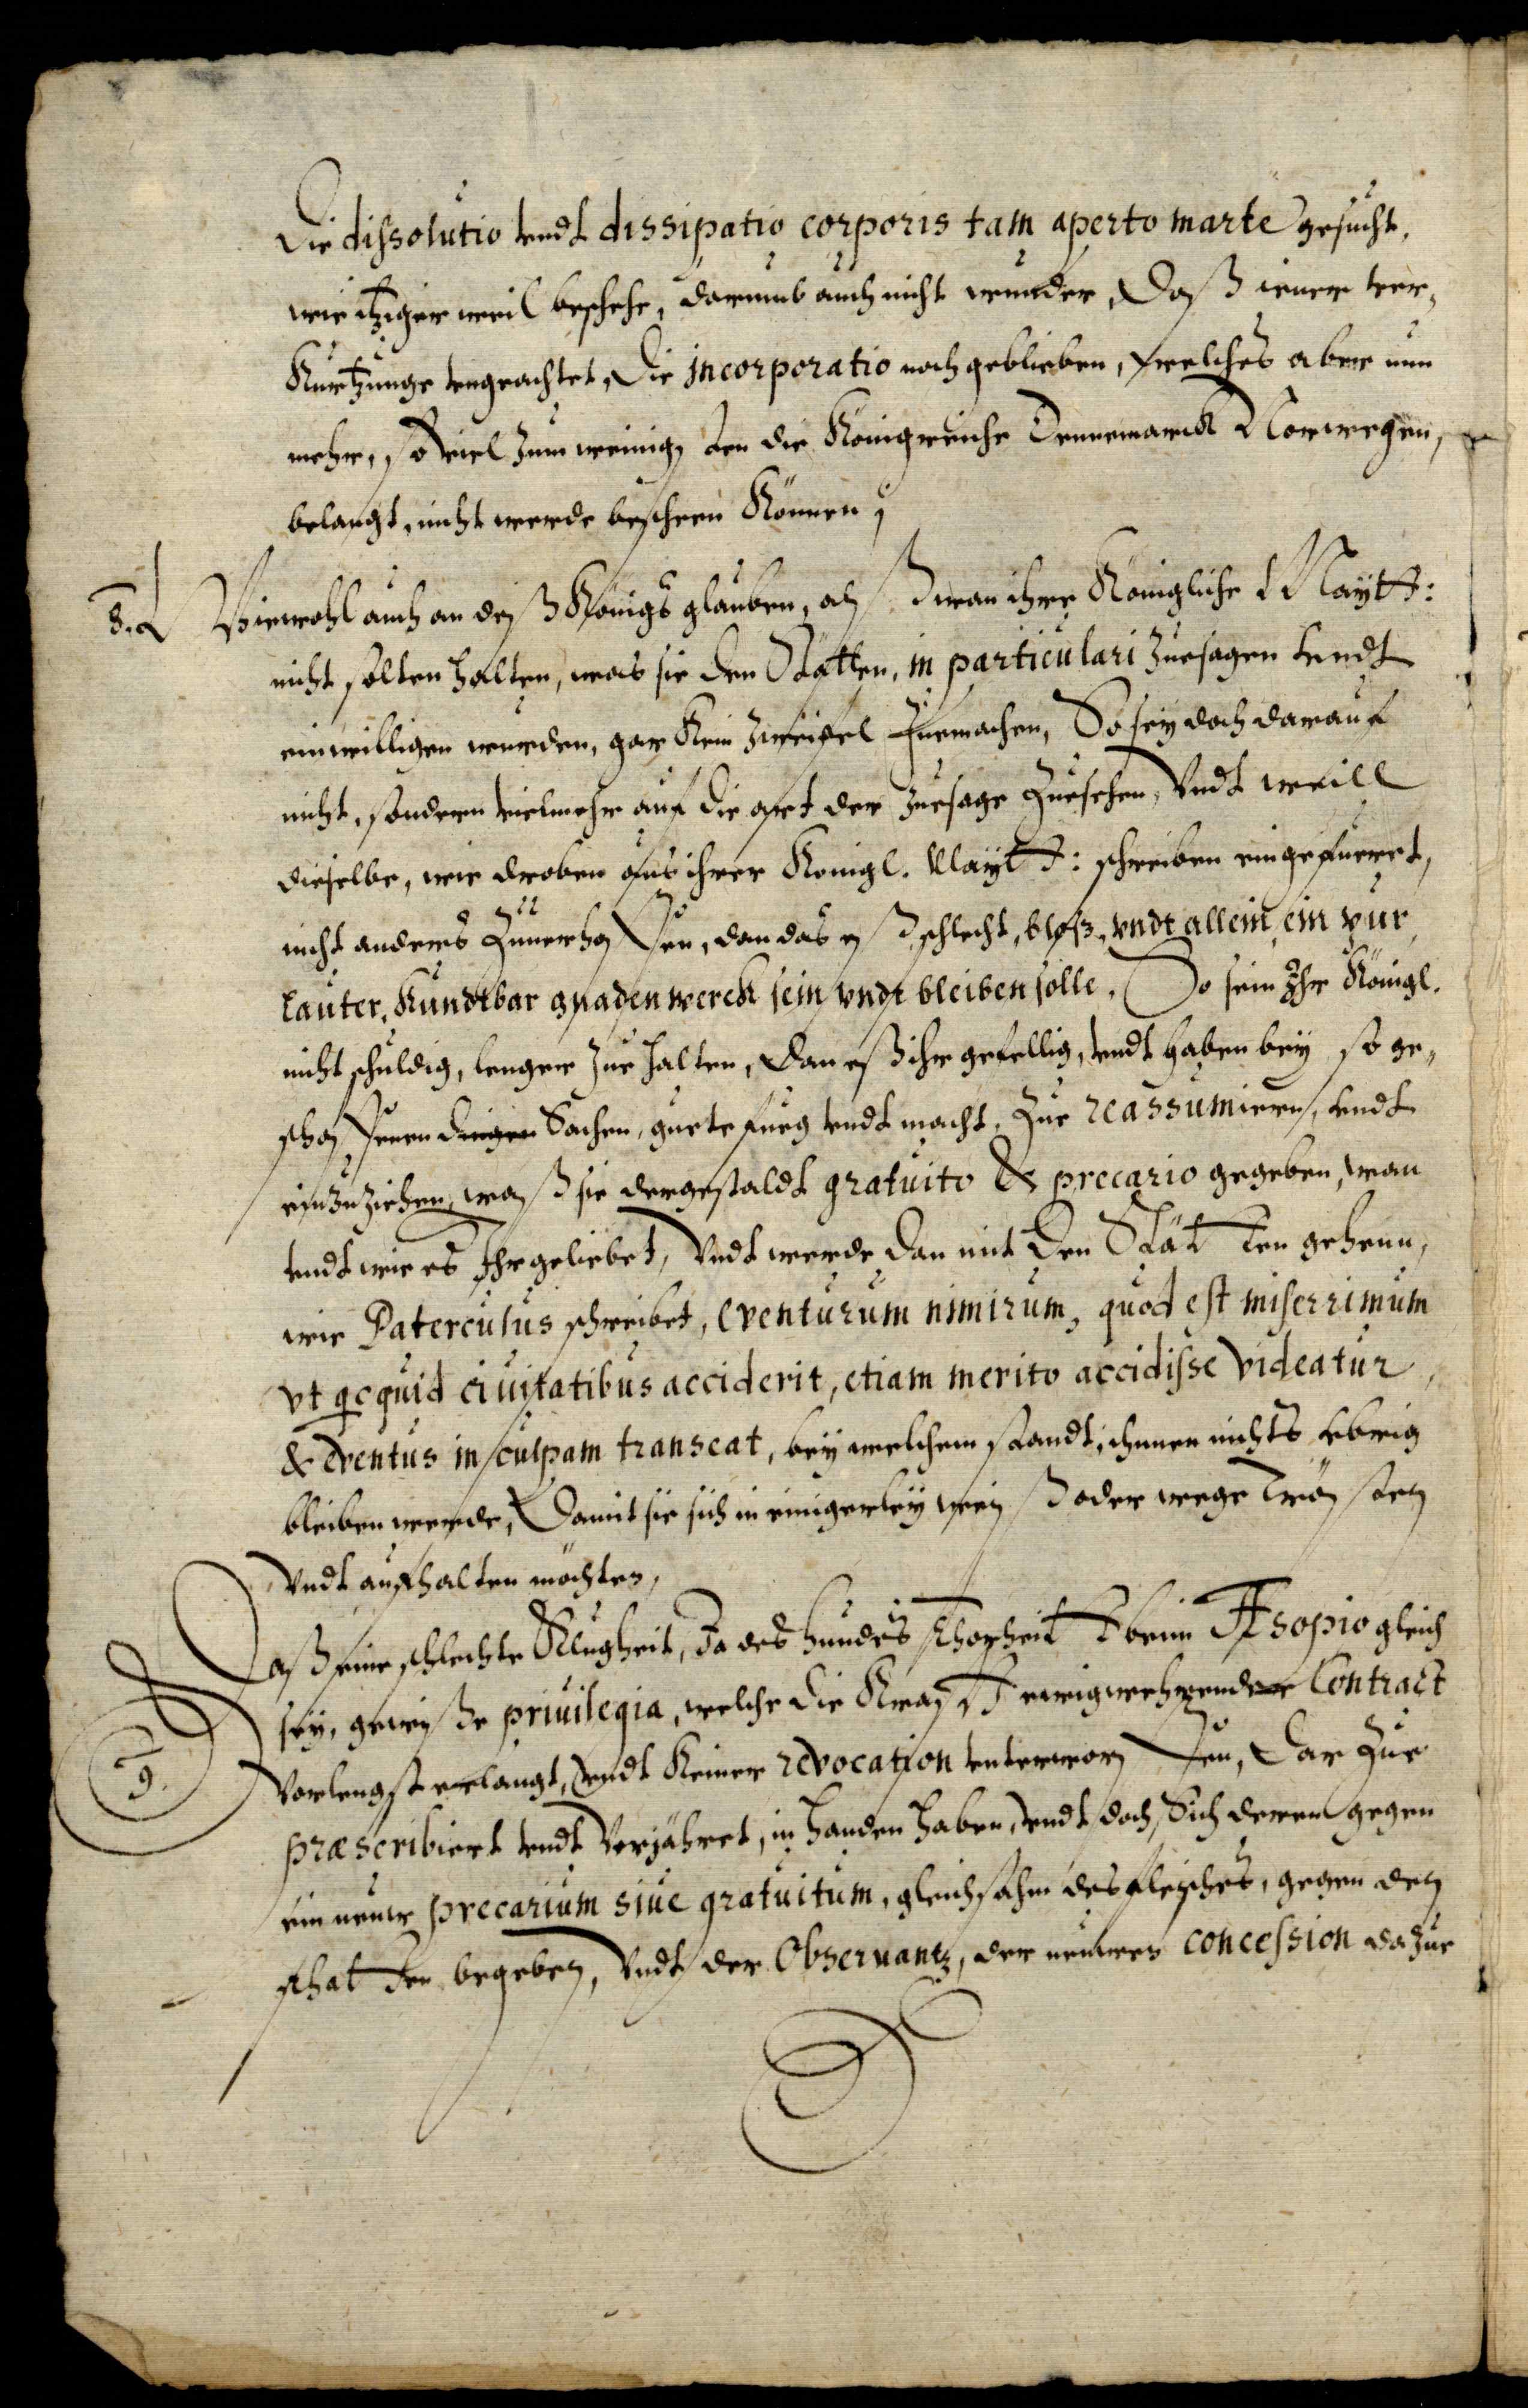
Die dissolutio vndt dissipatio corporis tam aperto marte gesucht,
wie itziger weil beschehe, darumb auch nicht wunder, Daß iener ver¬
Kurtzunge vngeachtet, Die incorperatio noch geblieben, welches aber nun
mehr, so viel zum weinigsten die Königreiche Dennemarck Norwegen,
belangt, nicht werde bescheen können;
Wiewohl auch an deß Königs glauben, alßwan ihre Königliche Maijtt:
nicht solten halten, was sie den Stätten, in particulari zuesagen vndt
einwilligen wurden, gar kein zweifel zuemachen, So seij doch darauf
nicht, sondern vielmehr auf die ort der zuesage Zuesehen, Vndt weill
dieselbe, wie droben aus ihrer Konigl. Maijtt: schreiben eingefueret,
nicht anders Zuuerhoffen, dan das eß schlecht, blosz, vndt allein ein vur¬
lauter, kundtbar gnaden werck sein vndt bleiben solle. So sein Ihr Königl.
nicht schuldig, lenger zue halten, dan eß ihr gefellig, vndt haben beij so ge¬
schaffenen dingen Sachen, guete fueg vndt macht, Zue reassumiern, vndt
einzuziehen, waß sie dergestaldt gratuito & precario gegeben, wan
vndt wie es Ihr geliebet, Vndt werde dan mit den Stätten gehenn,
wie Paterculus schreibet, eventurum nimirum, quod est miserrimum
vt quicquid ciuitatibus acciderit, etiam merito accidisse videatur
& eventus in culpam transeat, beij welchem standt, ihnnen nichts vbrig
bleiben werde, Damit sie sich in einigerleij wegß oder wege Trösten
Vndt aufhalten möchten,
Daß eine schlechte Klugkeit, Ja des hundes Thorheitt bei AEsopio gleich
seij, gewiße priuilegia, welche die Krafft ewigwehrender Contract
Vorlengst erlangt, vndt keiner revocation vnterworffen, Dar Zue
praescribiert vndt Verjähret, in handen haben, vndt doch Sich deren gegen
ein neuw precarium siue gratuitum, gleichsahm des fleisches, gegen den
schatten begeben, Vndt der Obseruantz, der neuwen concession da zue
8.
9.
